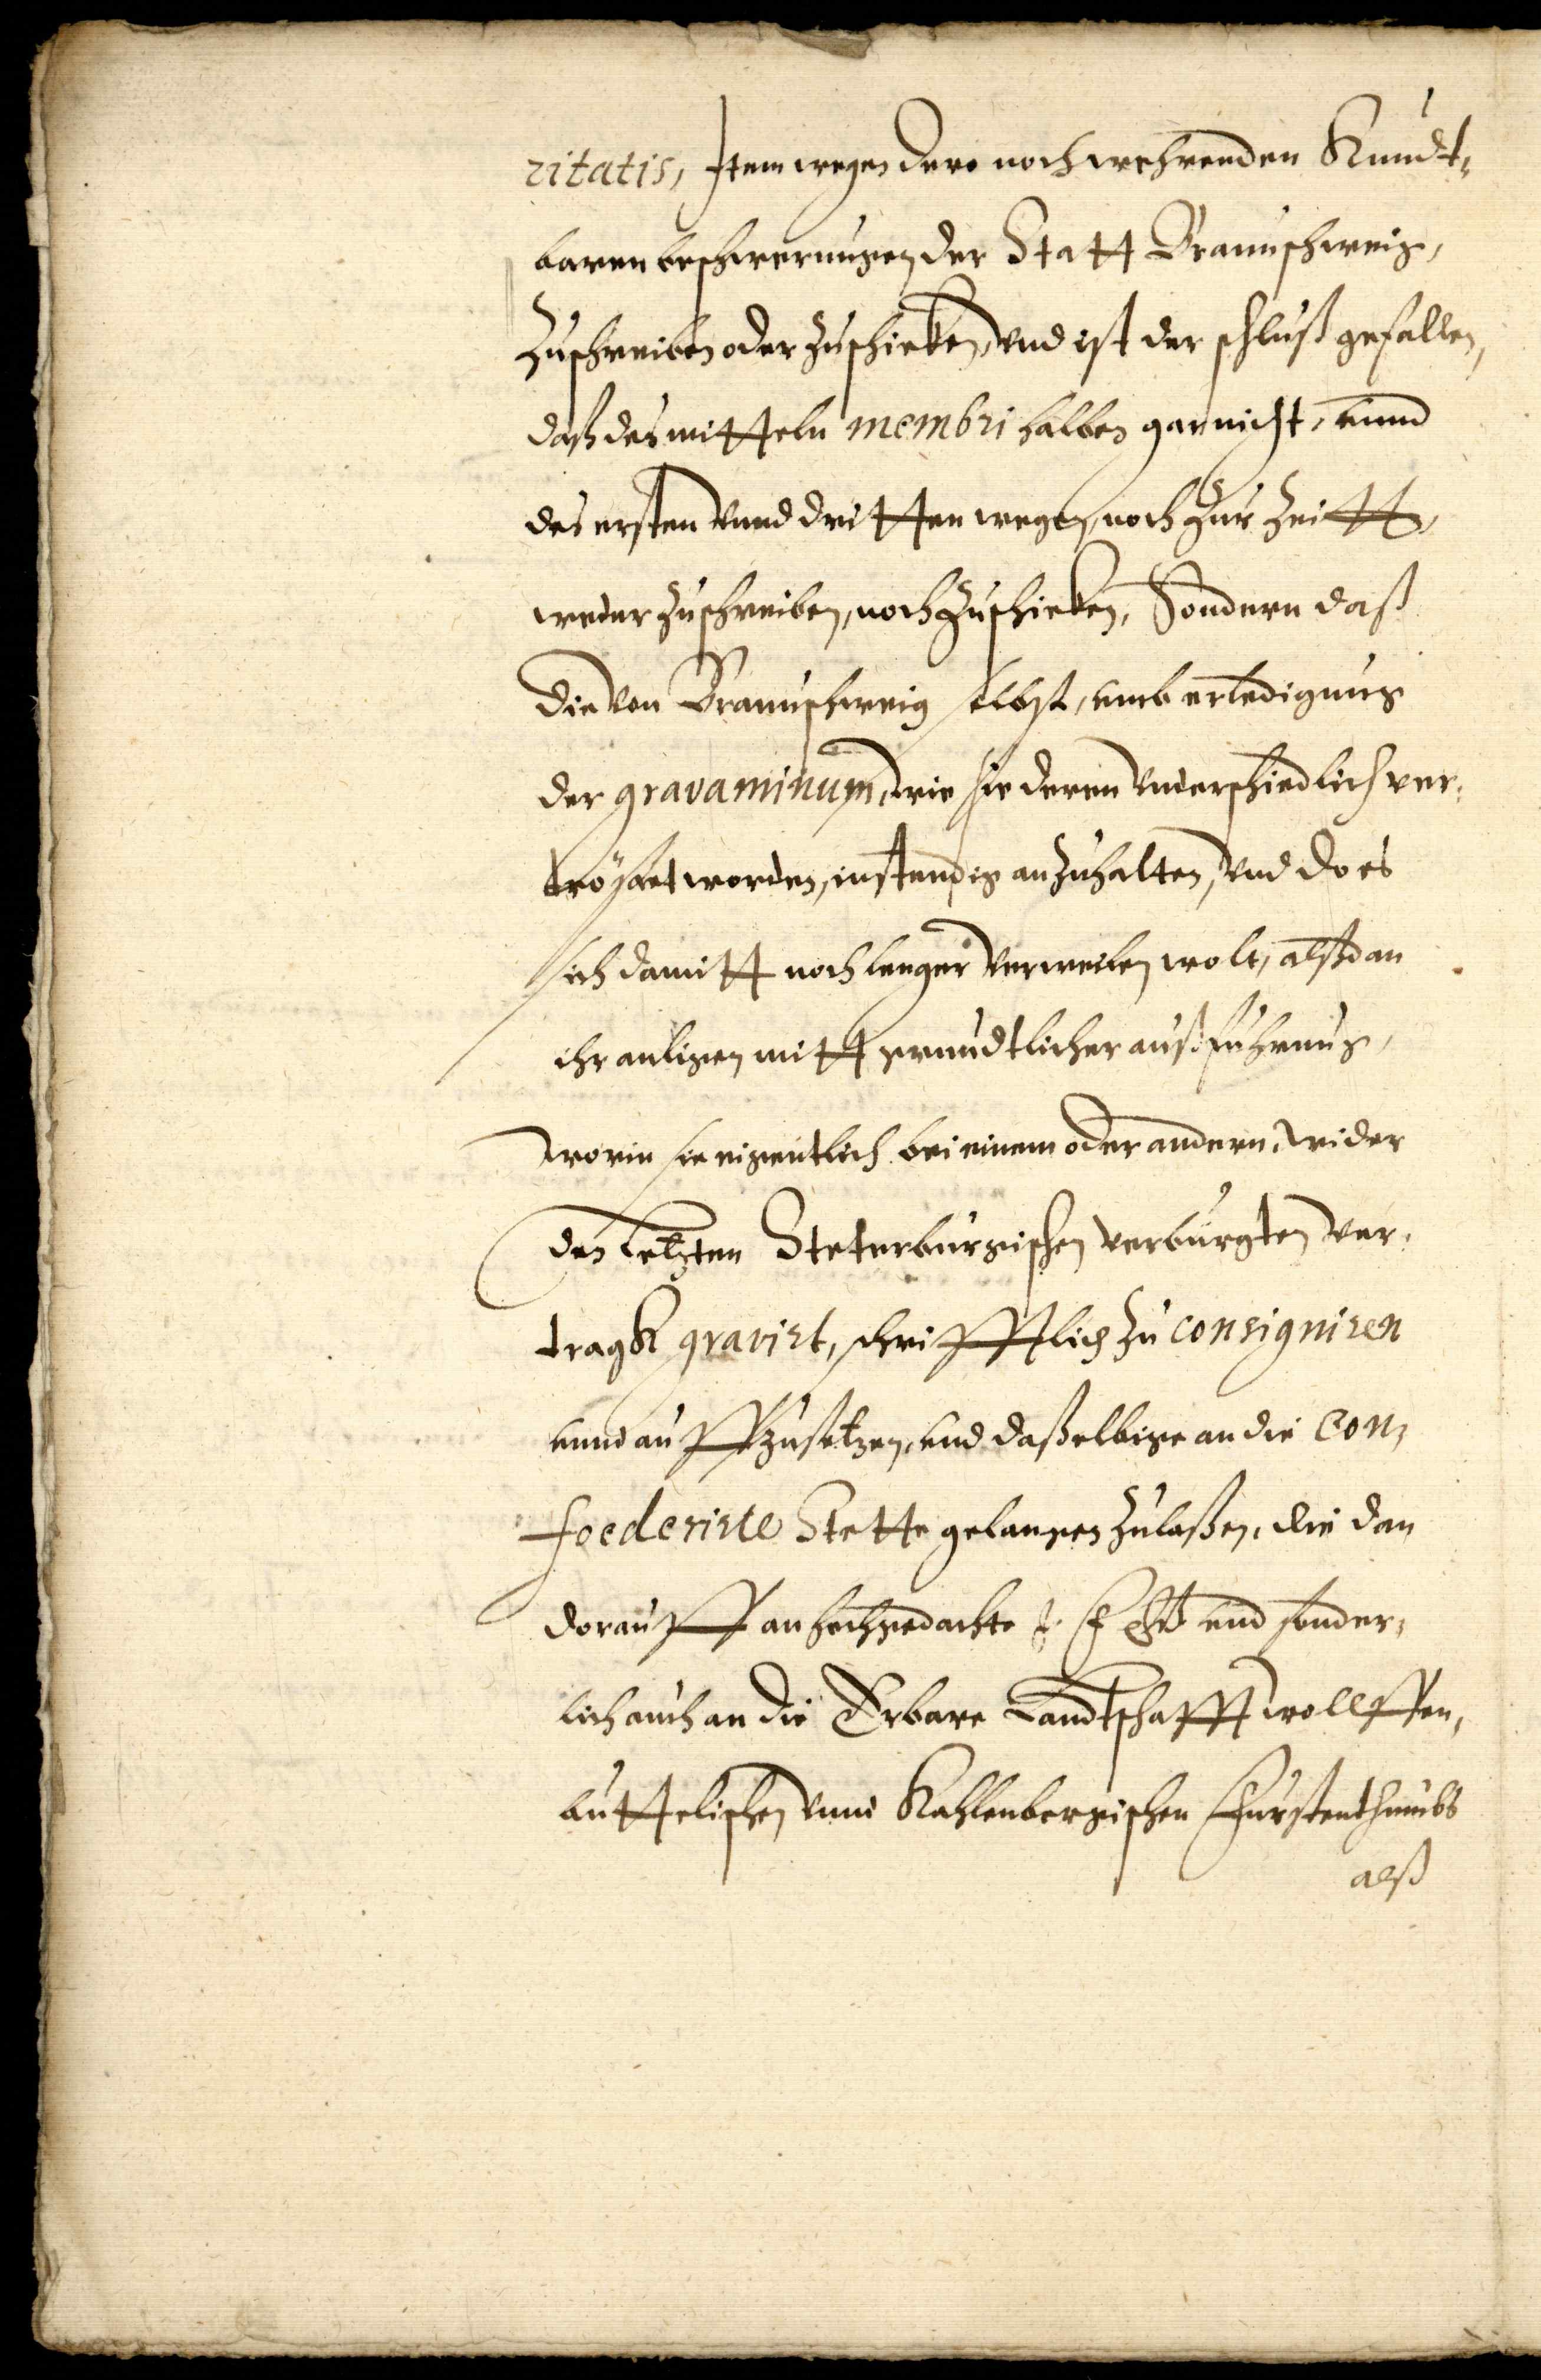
ritatis, Item wegen dero noch wehrenden Kundt¬
baren beschwerungen der Statt Braunschweig,
zuschreiben oder zuschicken, vnd ist der schluß gefallen,
daß des mitteln membri halben gar nicht, vnnd
des ersten vnnd dritten wegen, noch zur Zeitt,
weder zu schreiben, noch zuschicken, Sondern daß
die von Braunschweig selbst, vnb erledigung
der gravaminum, wie sie deren vnderschiedlich ver¬
tröstet worden, instendig anzuhalten, vnd do es
sich damitt noch lenger verweilen wolt, alßdan
ihr anliegen mitt grundtlicher außfuhrung,
worin sie eigentlich bei einem oder andern, wider
den Letzten Steterburgischen verbürgten ver¬
tragk gravirt, schrifftlich zu consigniren
vnnd auffzusetzen, vnd daßelbige an die con¬
foederirte Stette gelangen zulaßen, die dan
dorauff an hochgedachte I. F. G. vnd sonder¬
lich auch an die Erbare Landtschafft Wollffen¬
buttelischen vnnd Kahlenbergischen Furstenthumbs
alß
